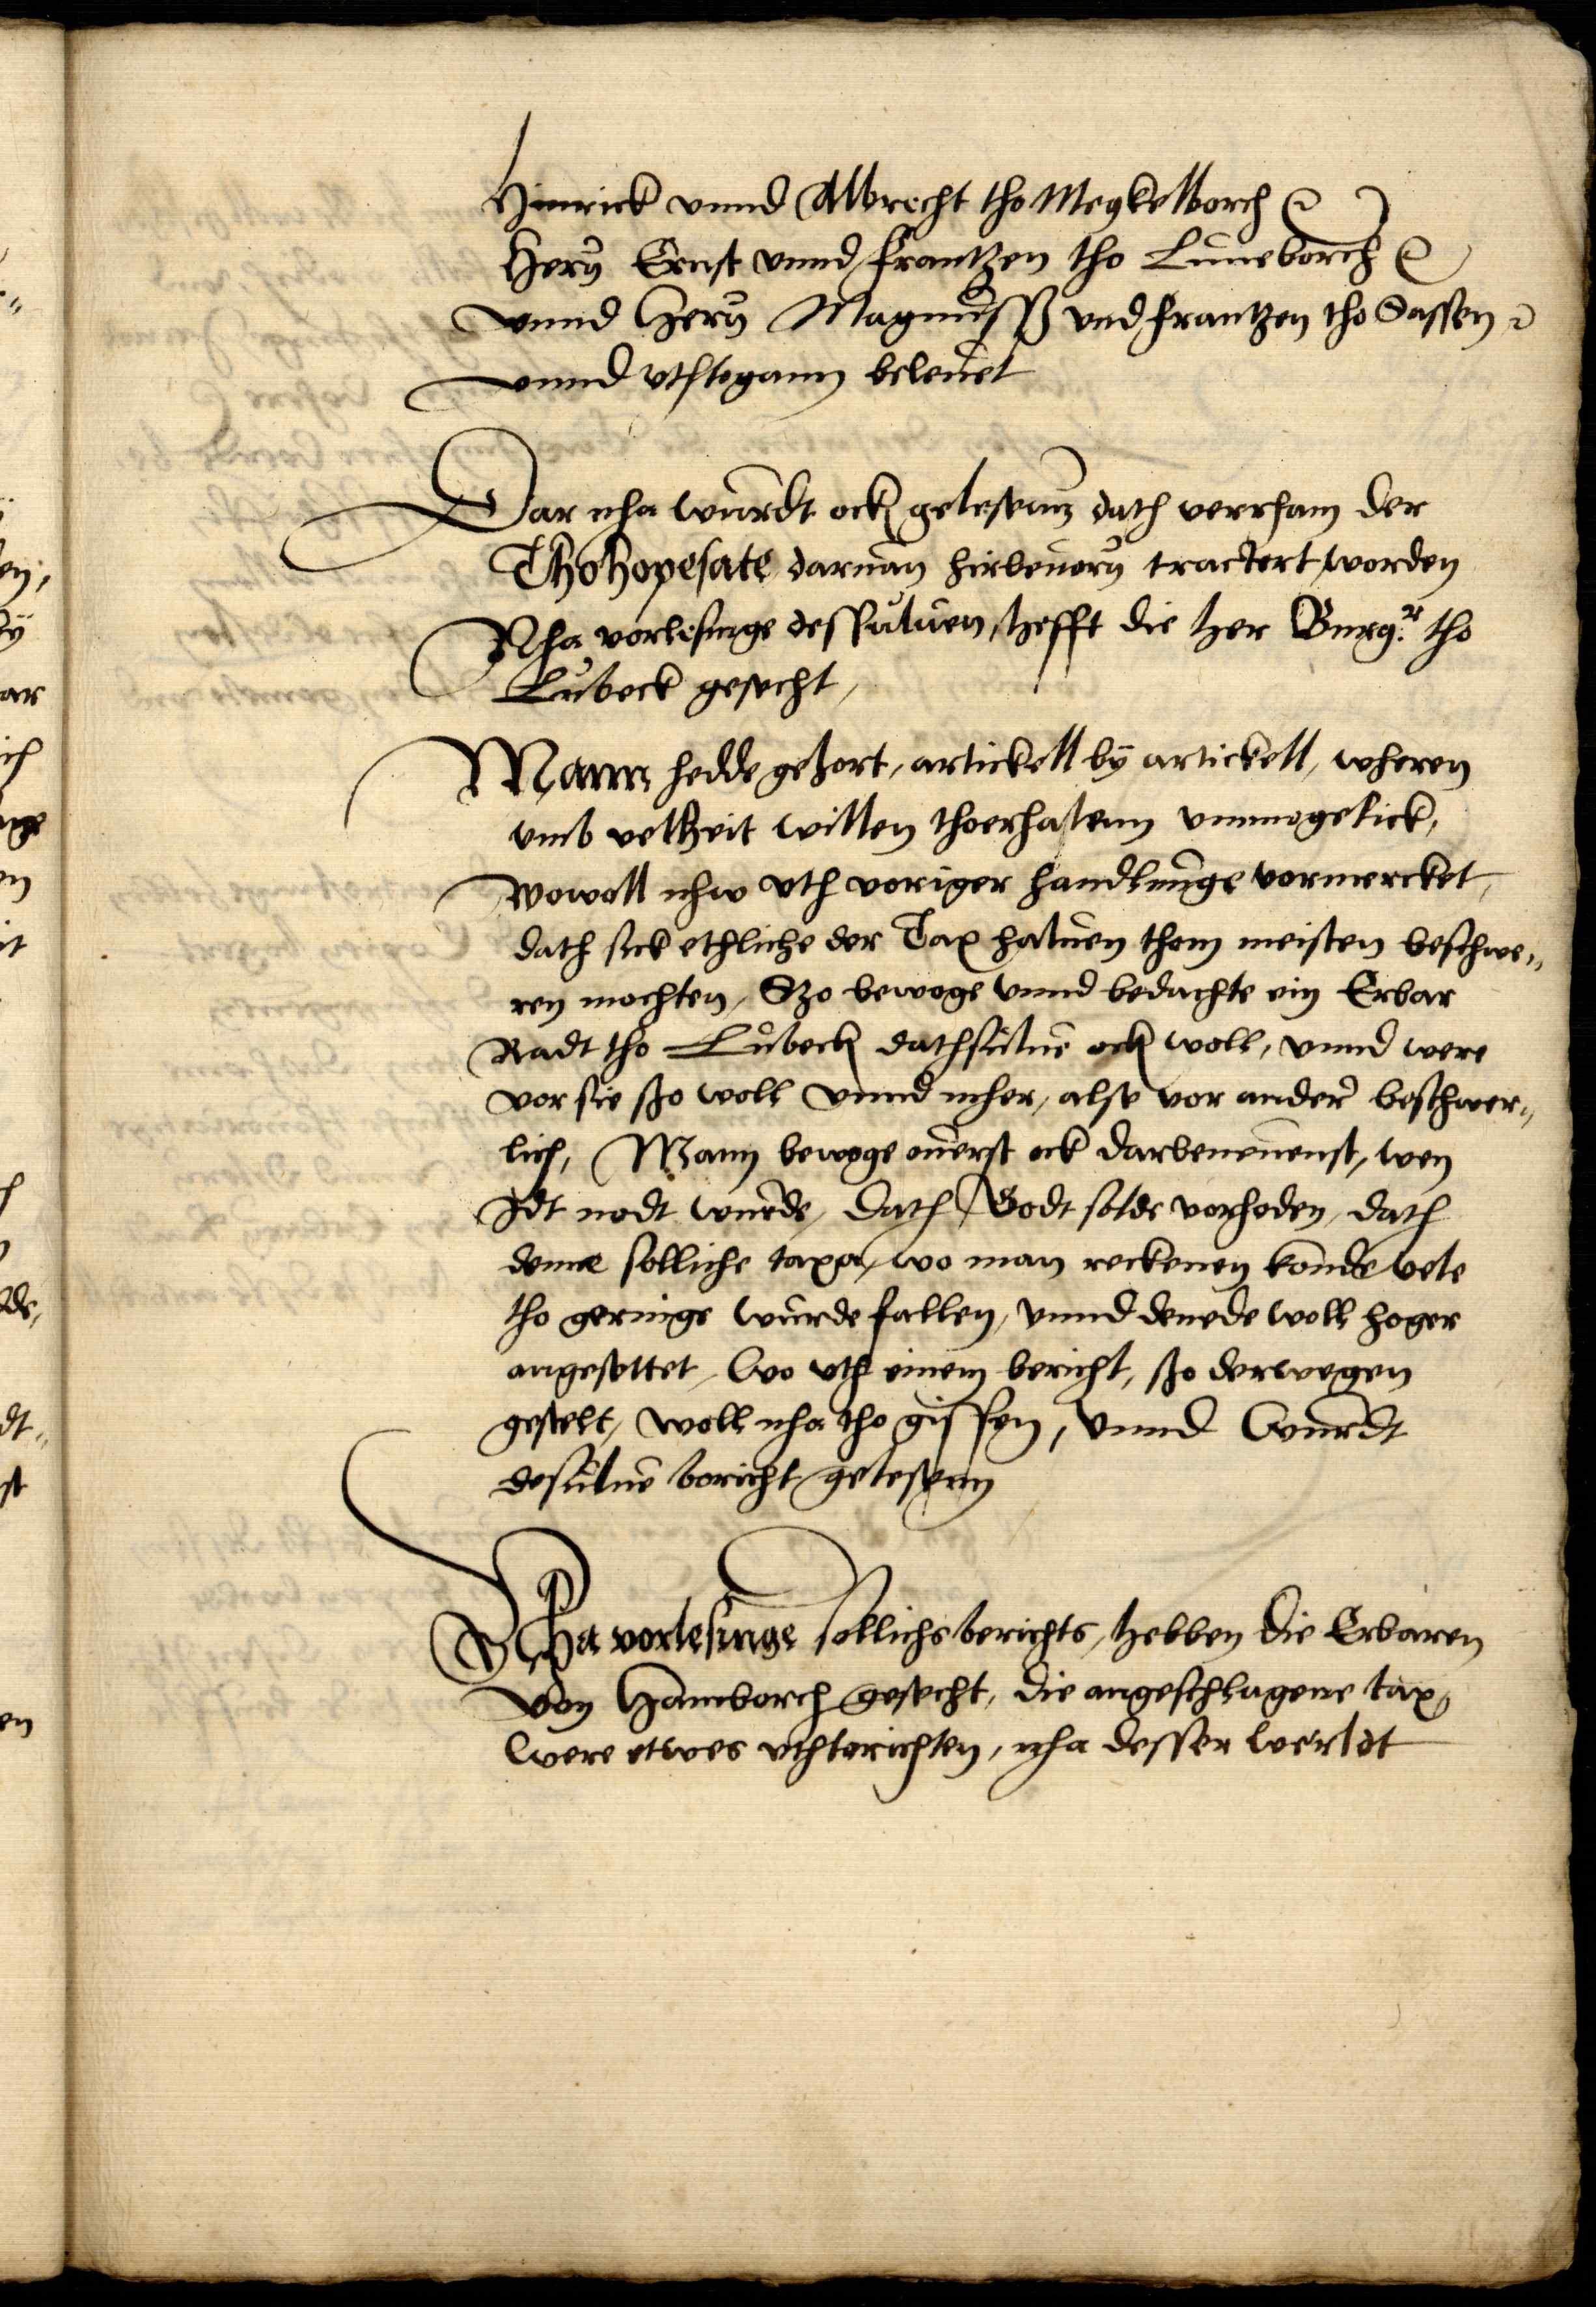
Hinrick vnnd Albrecht tho Megkelborch etc
Hern Ernst vnnd Frantzen tho Luneborch etc
vnnd Hern Magnuss vnd Frantzen tho Sassen etc
vnnd vthtogann beleuet
Dar nha wurdt ock gelesen dath verrham der
Thohopesate daruan hirbeuorn tractirt worden
Nha vorlesunge dessuluen hefft die her Burgermeister tho
Lubeck gesecht,
Mann hedde gehort, artickell bij artickell, wheren
vmb velheit willen thoerhalenn vnmogelick,
wowoll nhw vth voriger handlunge vormercket,
dath sick ethliche der Tax haluen thom meisten beschwe¬
ren mochten, Szo bewoge vnnd bedachte ein Erbar
Radt tho Lubeck dathsulue ock woll, vnnd were
vor sie ßo woll vnnd mher, alse vor ander beschwer¬
lich, Mann bewege ouerst ock darbeneuenst, wen
Idt nodt wurde, dath Godt solde vorhoden, dath
denne solliche taxa, wo man reckenen konde vele
tho geringe wurde fallen, vnnd denede woll hoger
angesettet, wo vth einem bericht, ßo derwegen
gestelt, woll nha tho gissen, vnnd wurdt
desulue bericht gelesenn
Nha vorlesunge sollichs berichts, hebben die Erbaren
von Hamborch gesecht, die angeschlagene tax,
were etwes vthtorichten, nha desser werldt
